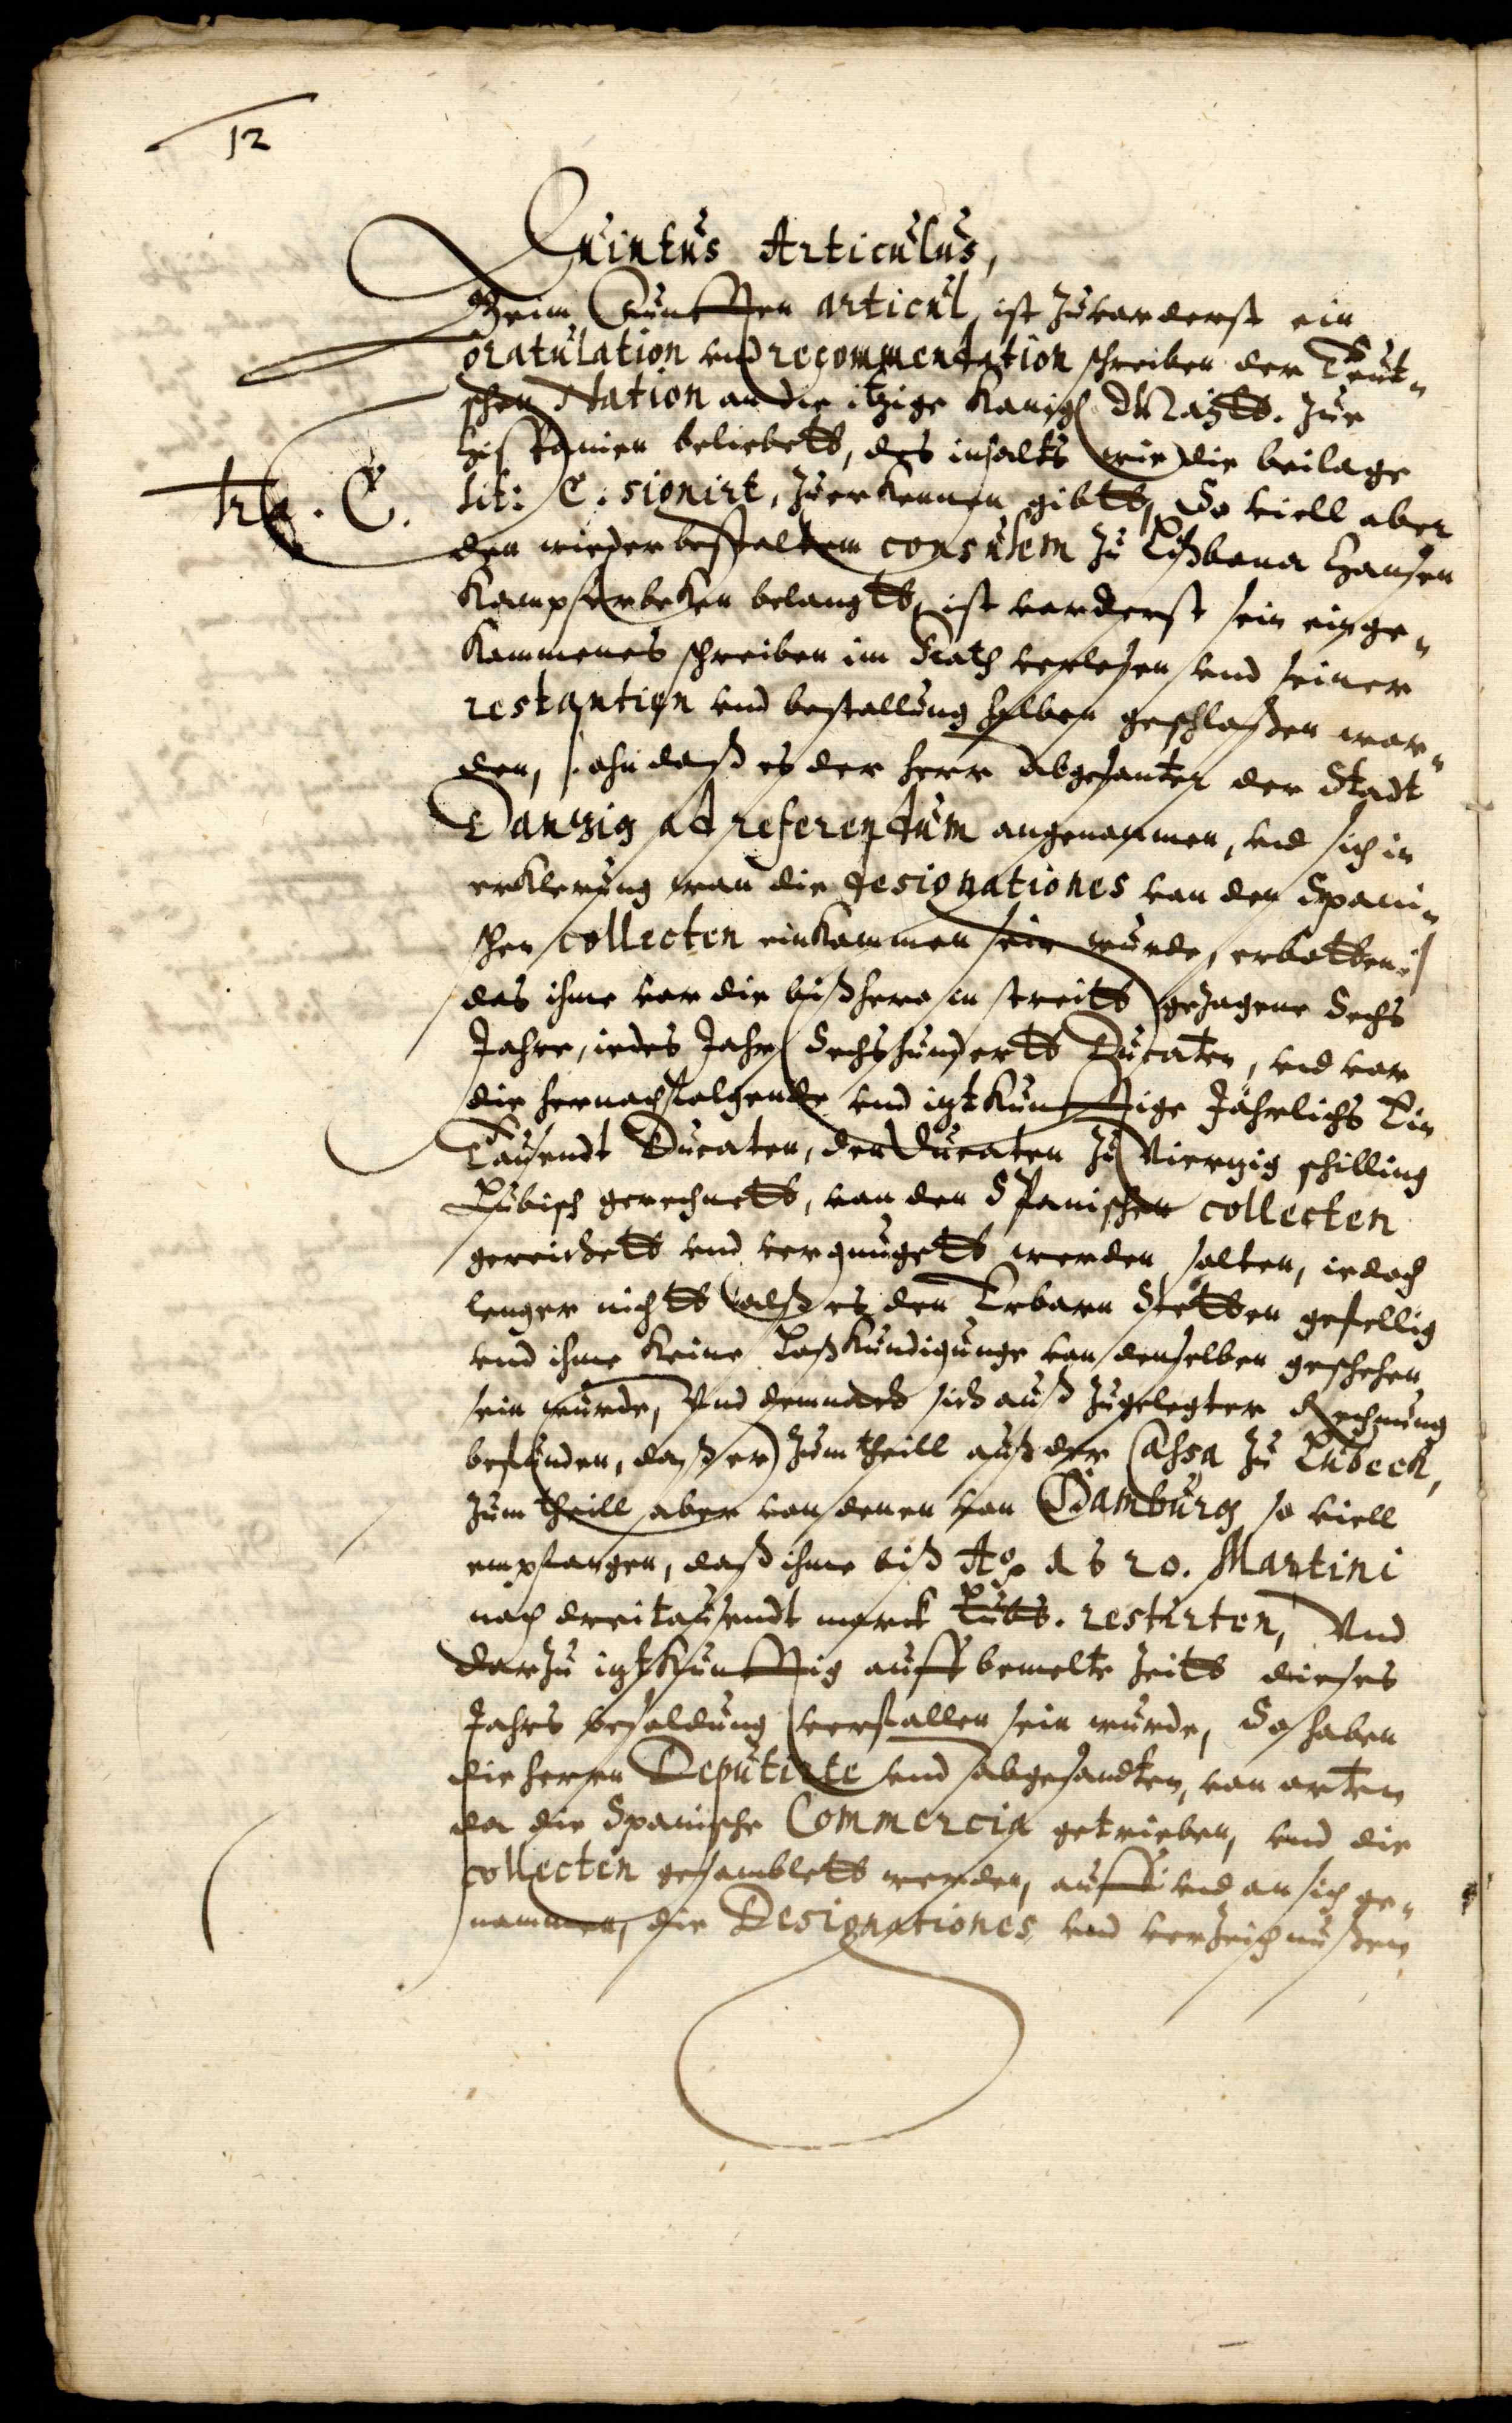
12
tra C.
Quintus Articulus,
Beim funfften articul ist zuvorderst ein
gratulation vnd recommendation schreiben der Teut¬
schen Nation an die itzige Konigl Maytt. zue
Hispanien beliebet, des inhalts wie die beilage
lit: C. signirt, zuerkennen gibtt, So viell aber
dem wiederbestaltem consulem zu Lißbona Hansen
Kampferbeken belangtt, ist vorderst sein einge¬
kommenes schreiben im Rath verlesen vnd seiner
restantien vnd bestallung halben geschloßen wor¬
den, (: ohn daß es der herr Abgesanten der Stadt
Dantzig ad referendum angenommen, vnd sich in
erklerung wan die designationes von den Spani¬
schen collecten einkommen sein wurde, erbotten :/
das ihme vor die bißhero in streitt gezogene Sechs
Iahre, iedes Iahr Sechshundertt Ducaten, vnd vor
die hernachfolgende vnd izt kunfftige Iährlichs Ein
Tausendt Ducaten, den ducaten zu Vierzig schilling
Lubisch gerechnett, von den Spanischen collecten
gereichett vnd vergnugett werden solten, iedoch
langer nichtt alß es den Erbarn Stetten gefellig
vnd ihme keine Loßkundigunge von denselben geschehen,
sein wurde, Vnd demnach sich auß zugelegter Rechnung
befunden, daß er zum theill auß der Cassa zu Lubeck,
zum theill aber von denen von Hamburg so viell
empfangen, daß ihm biß Ao p 1620. Martini
noch dreitausendt mark Lubs. restirten, Vnd
darzu iztkunfftig auff bemelte Zeitt dieses
Iahrs besoldung verfallen sein wurde, So haben
die herrn Deputirte vnd Abgesandten, von orten
da die Spanische Commercia getrieben, vnd die
collecten gesamblett werden, auff vnd an sich ge¬
nommen, die Designationes vnd verZeichnußen
